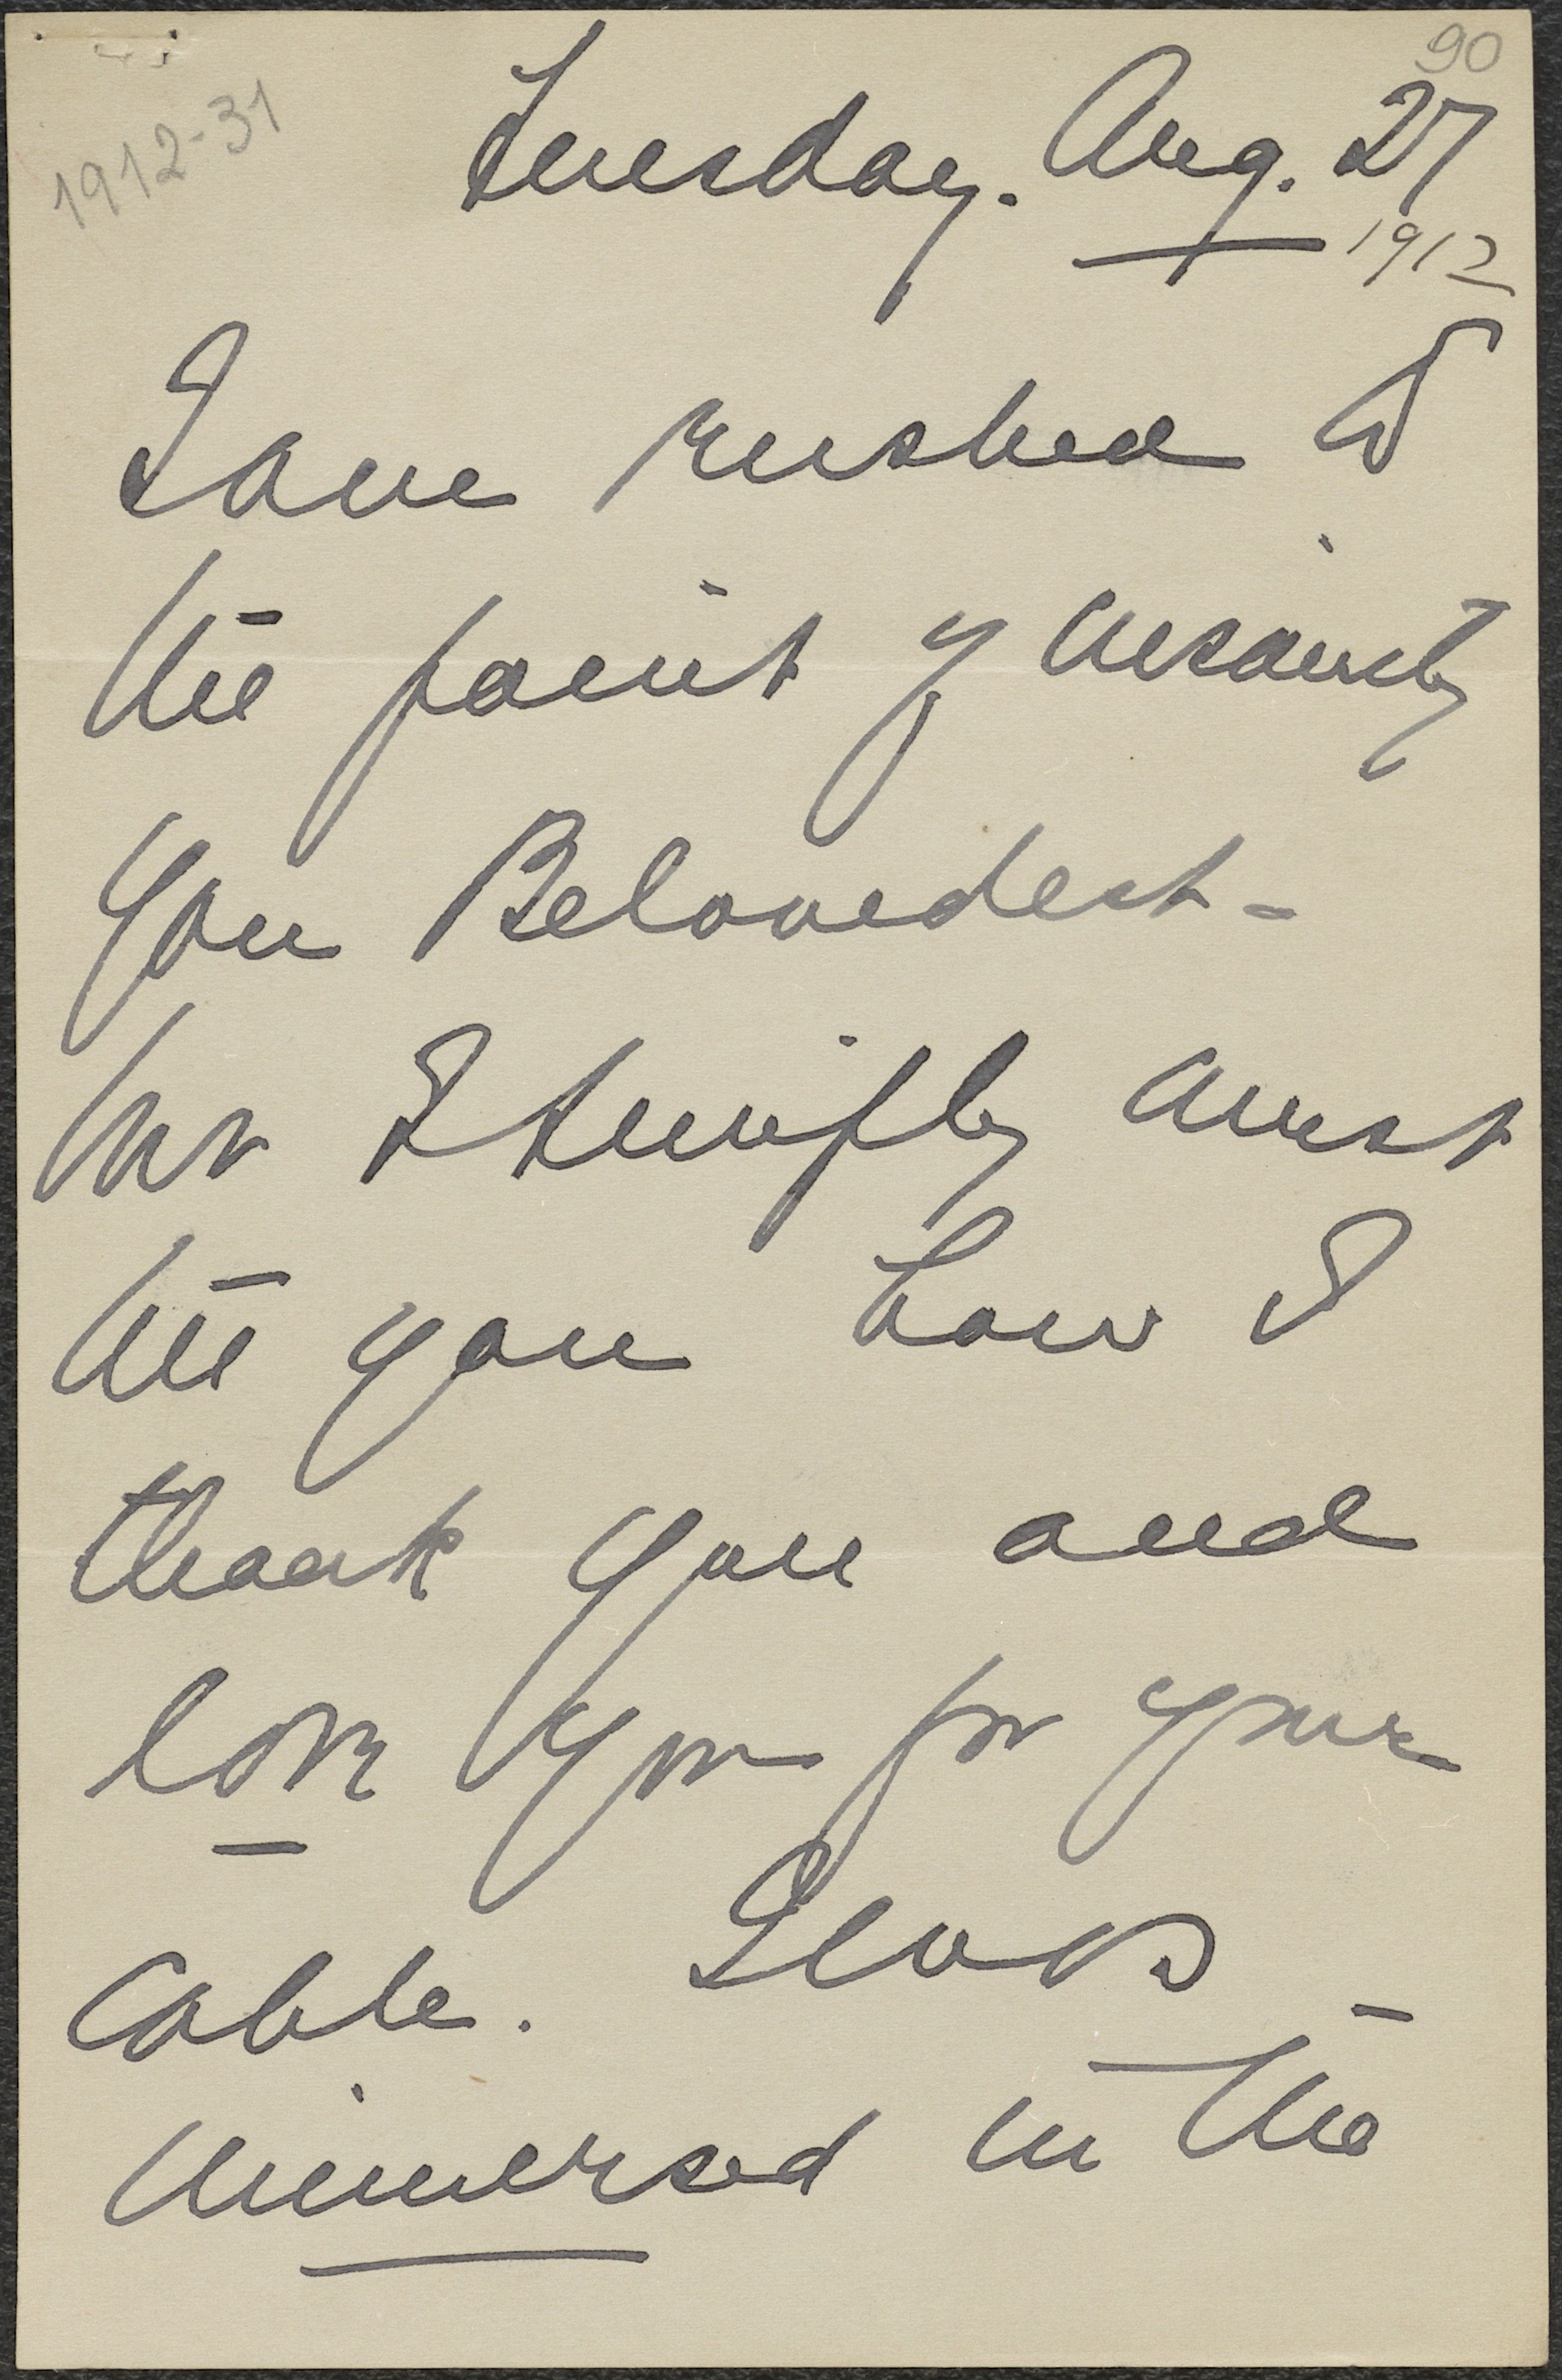Tuesday, Aug. 27
I am rushed to the point of insanity You Belovedest – but I simply must tell you how I thank you and love you for your cable. I was immersed in the